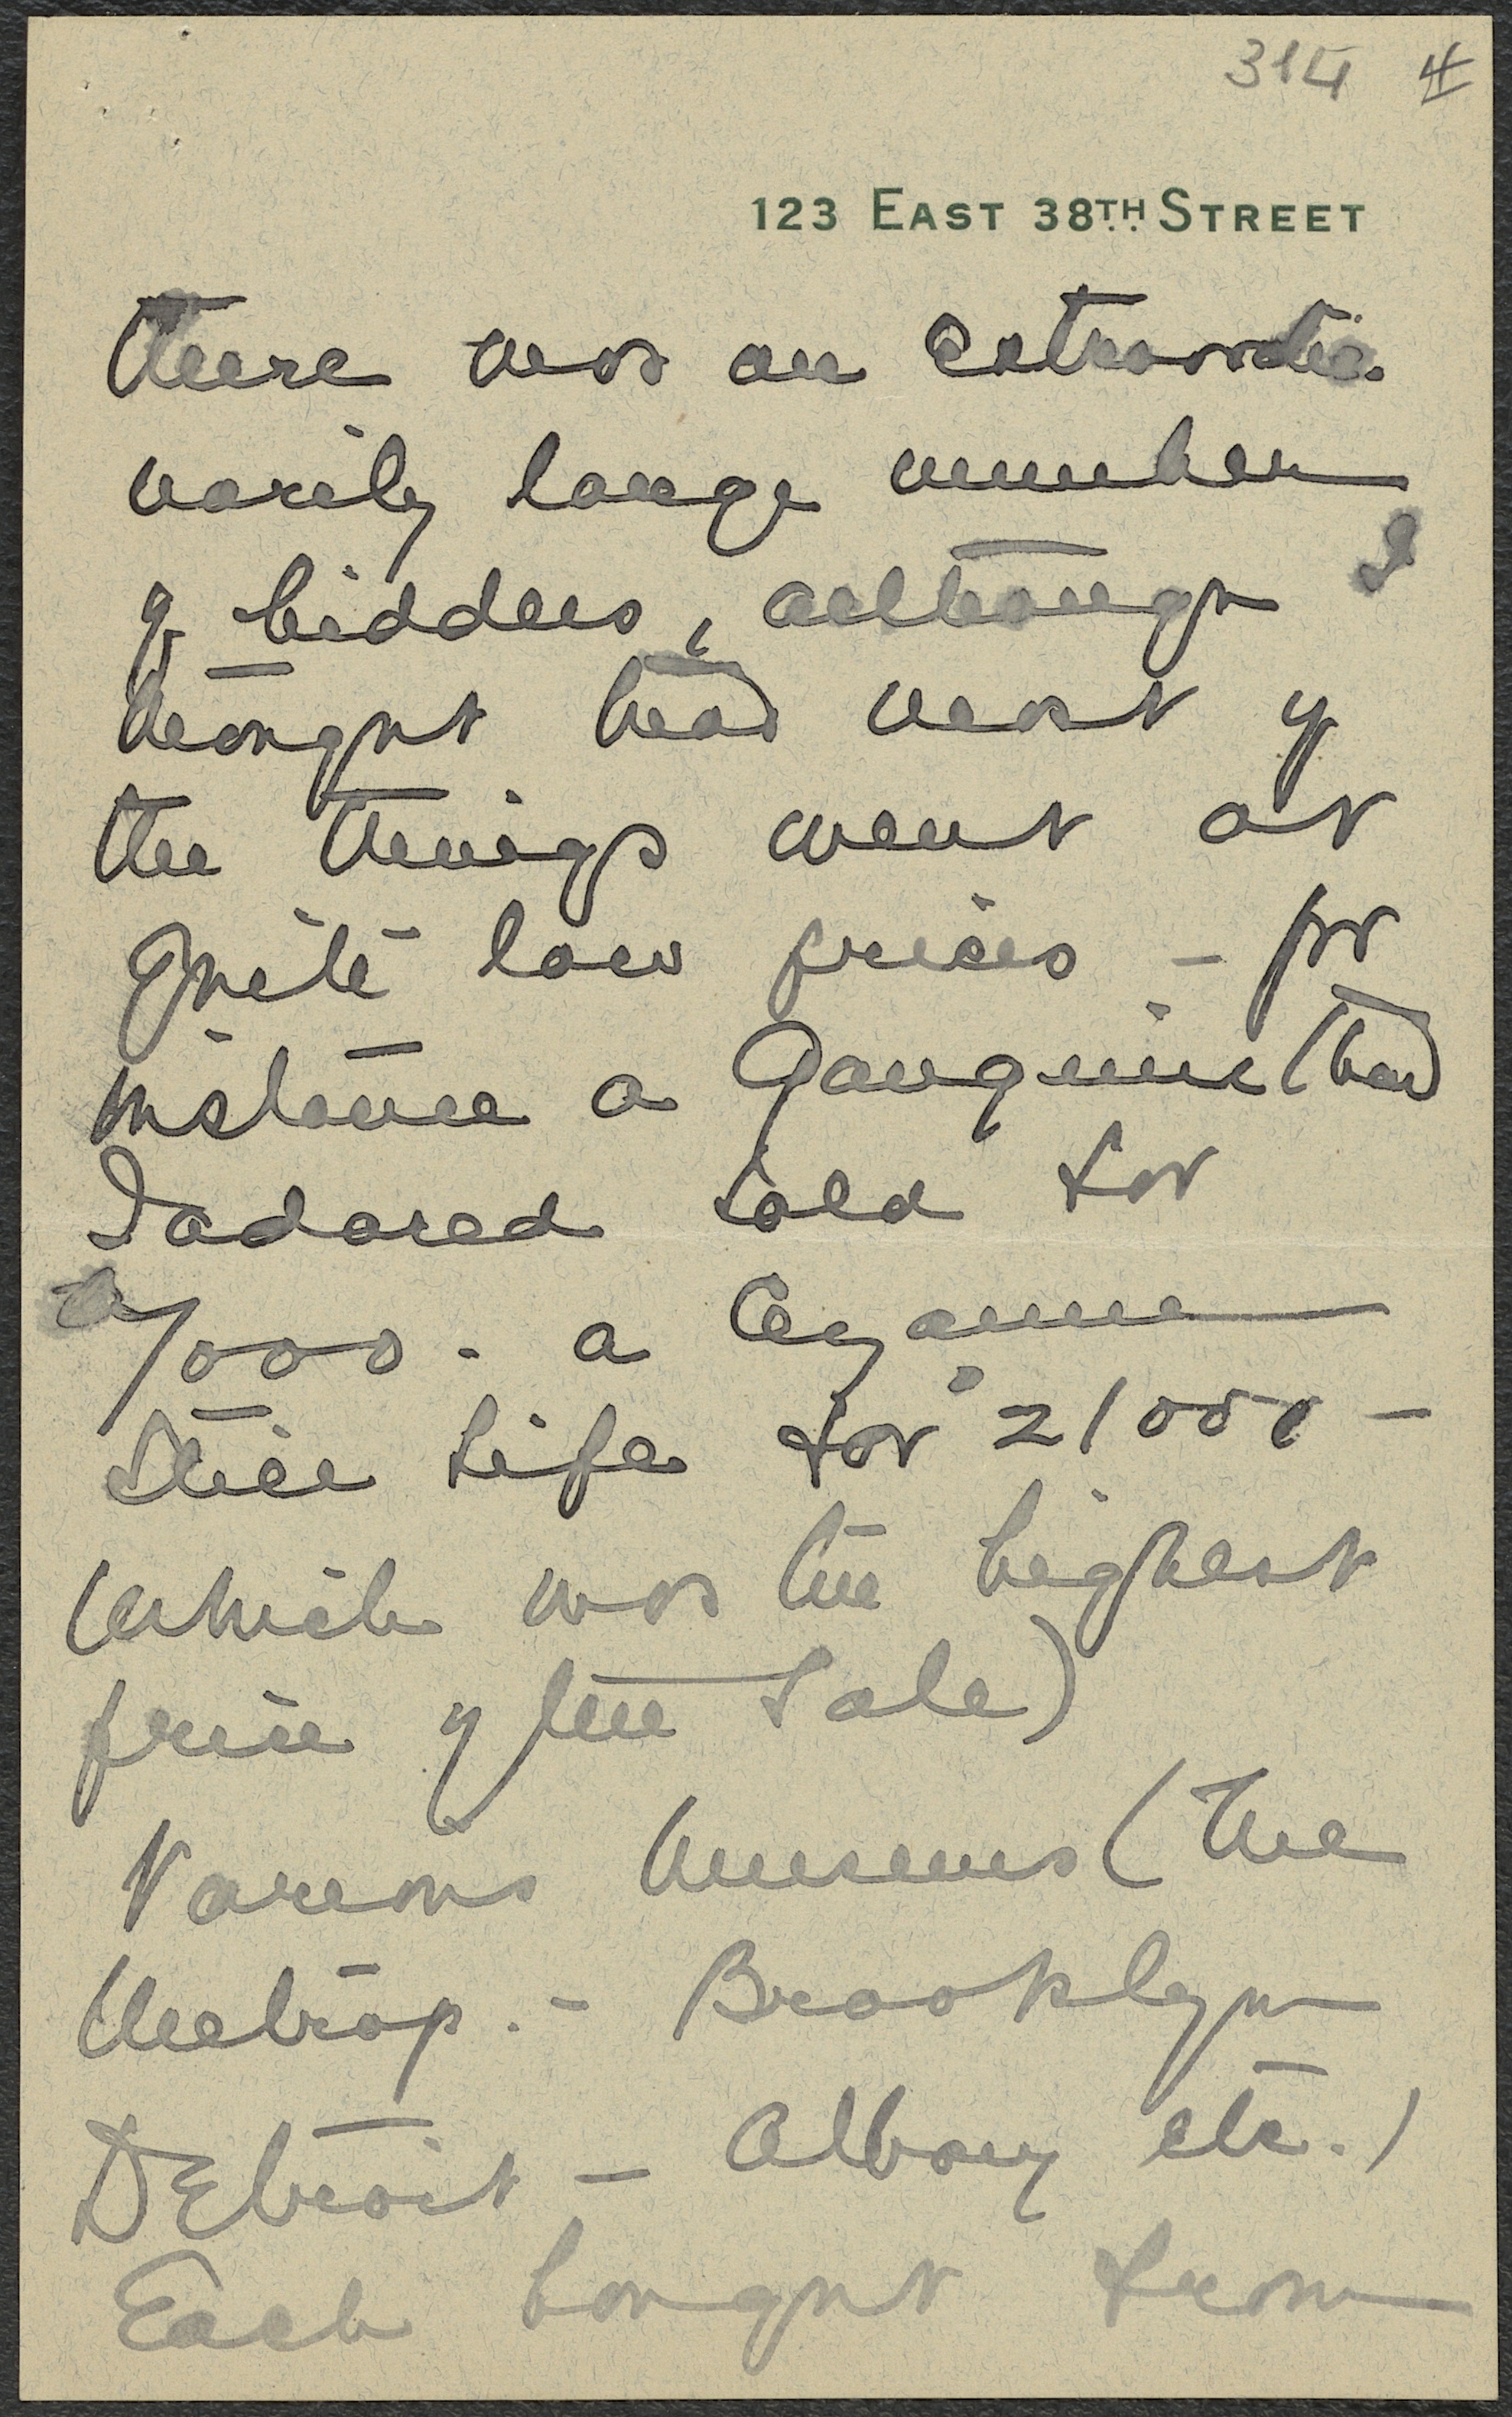there was an extraordinarily large number of bidders, although I thought that most of the things went at quite low prices – for instance a Gauguin that I adored sold for $7,000. a Cezanne still life for $21,000 – which was the highest price of the sale)
Various Museums (The Metrop. – Brooklyn Detroit – Albany etc.) Each bought from